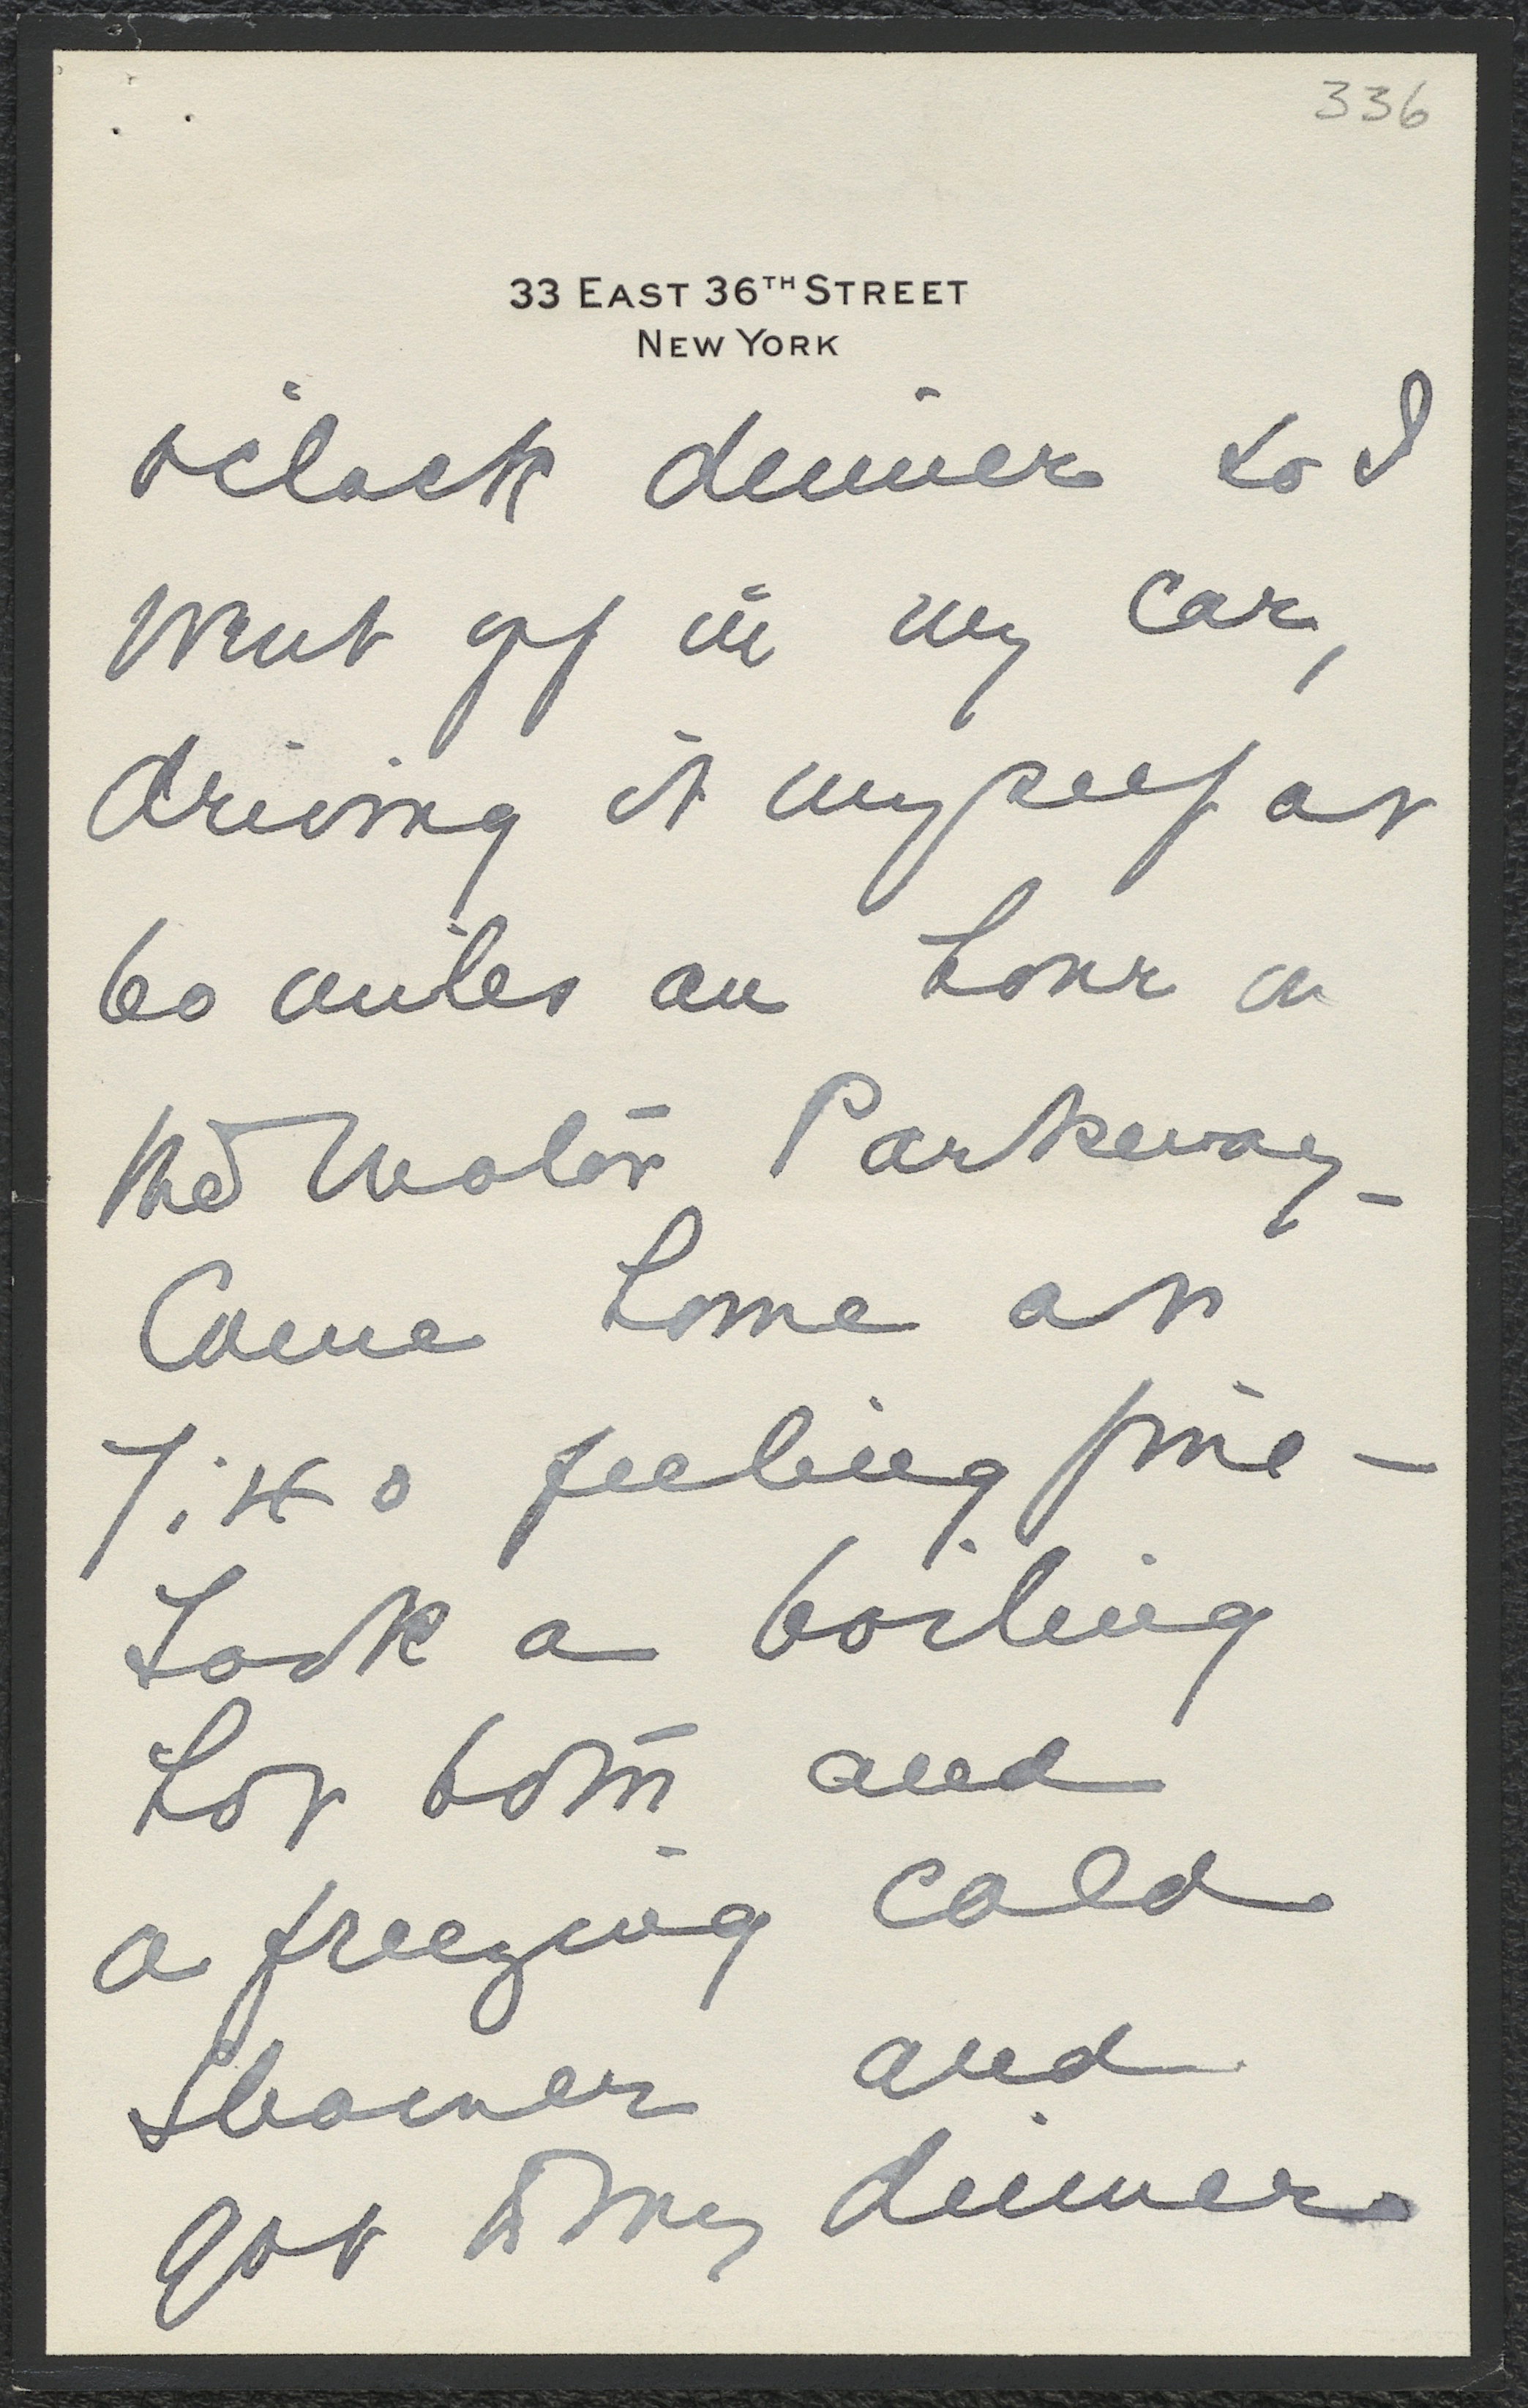o’clock dinner so I went off in my car, driving it myself at 60 miles an hour on the Motor Parkway –
Came home at 7:40 feeling fine – Took a boiling hot bath and a freezing cold shower and got to my dinner